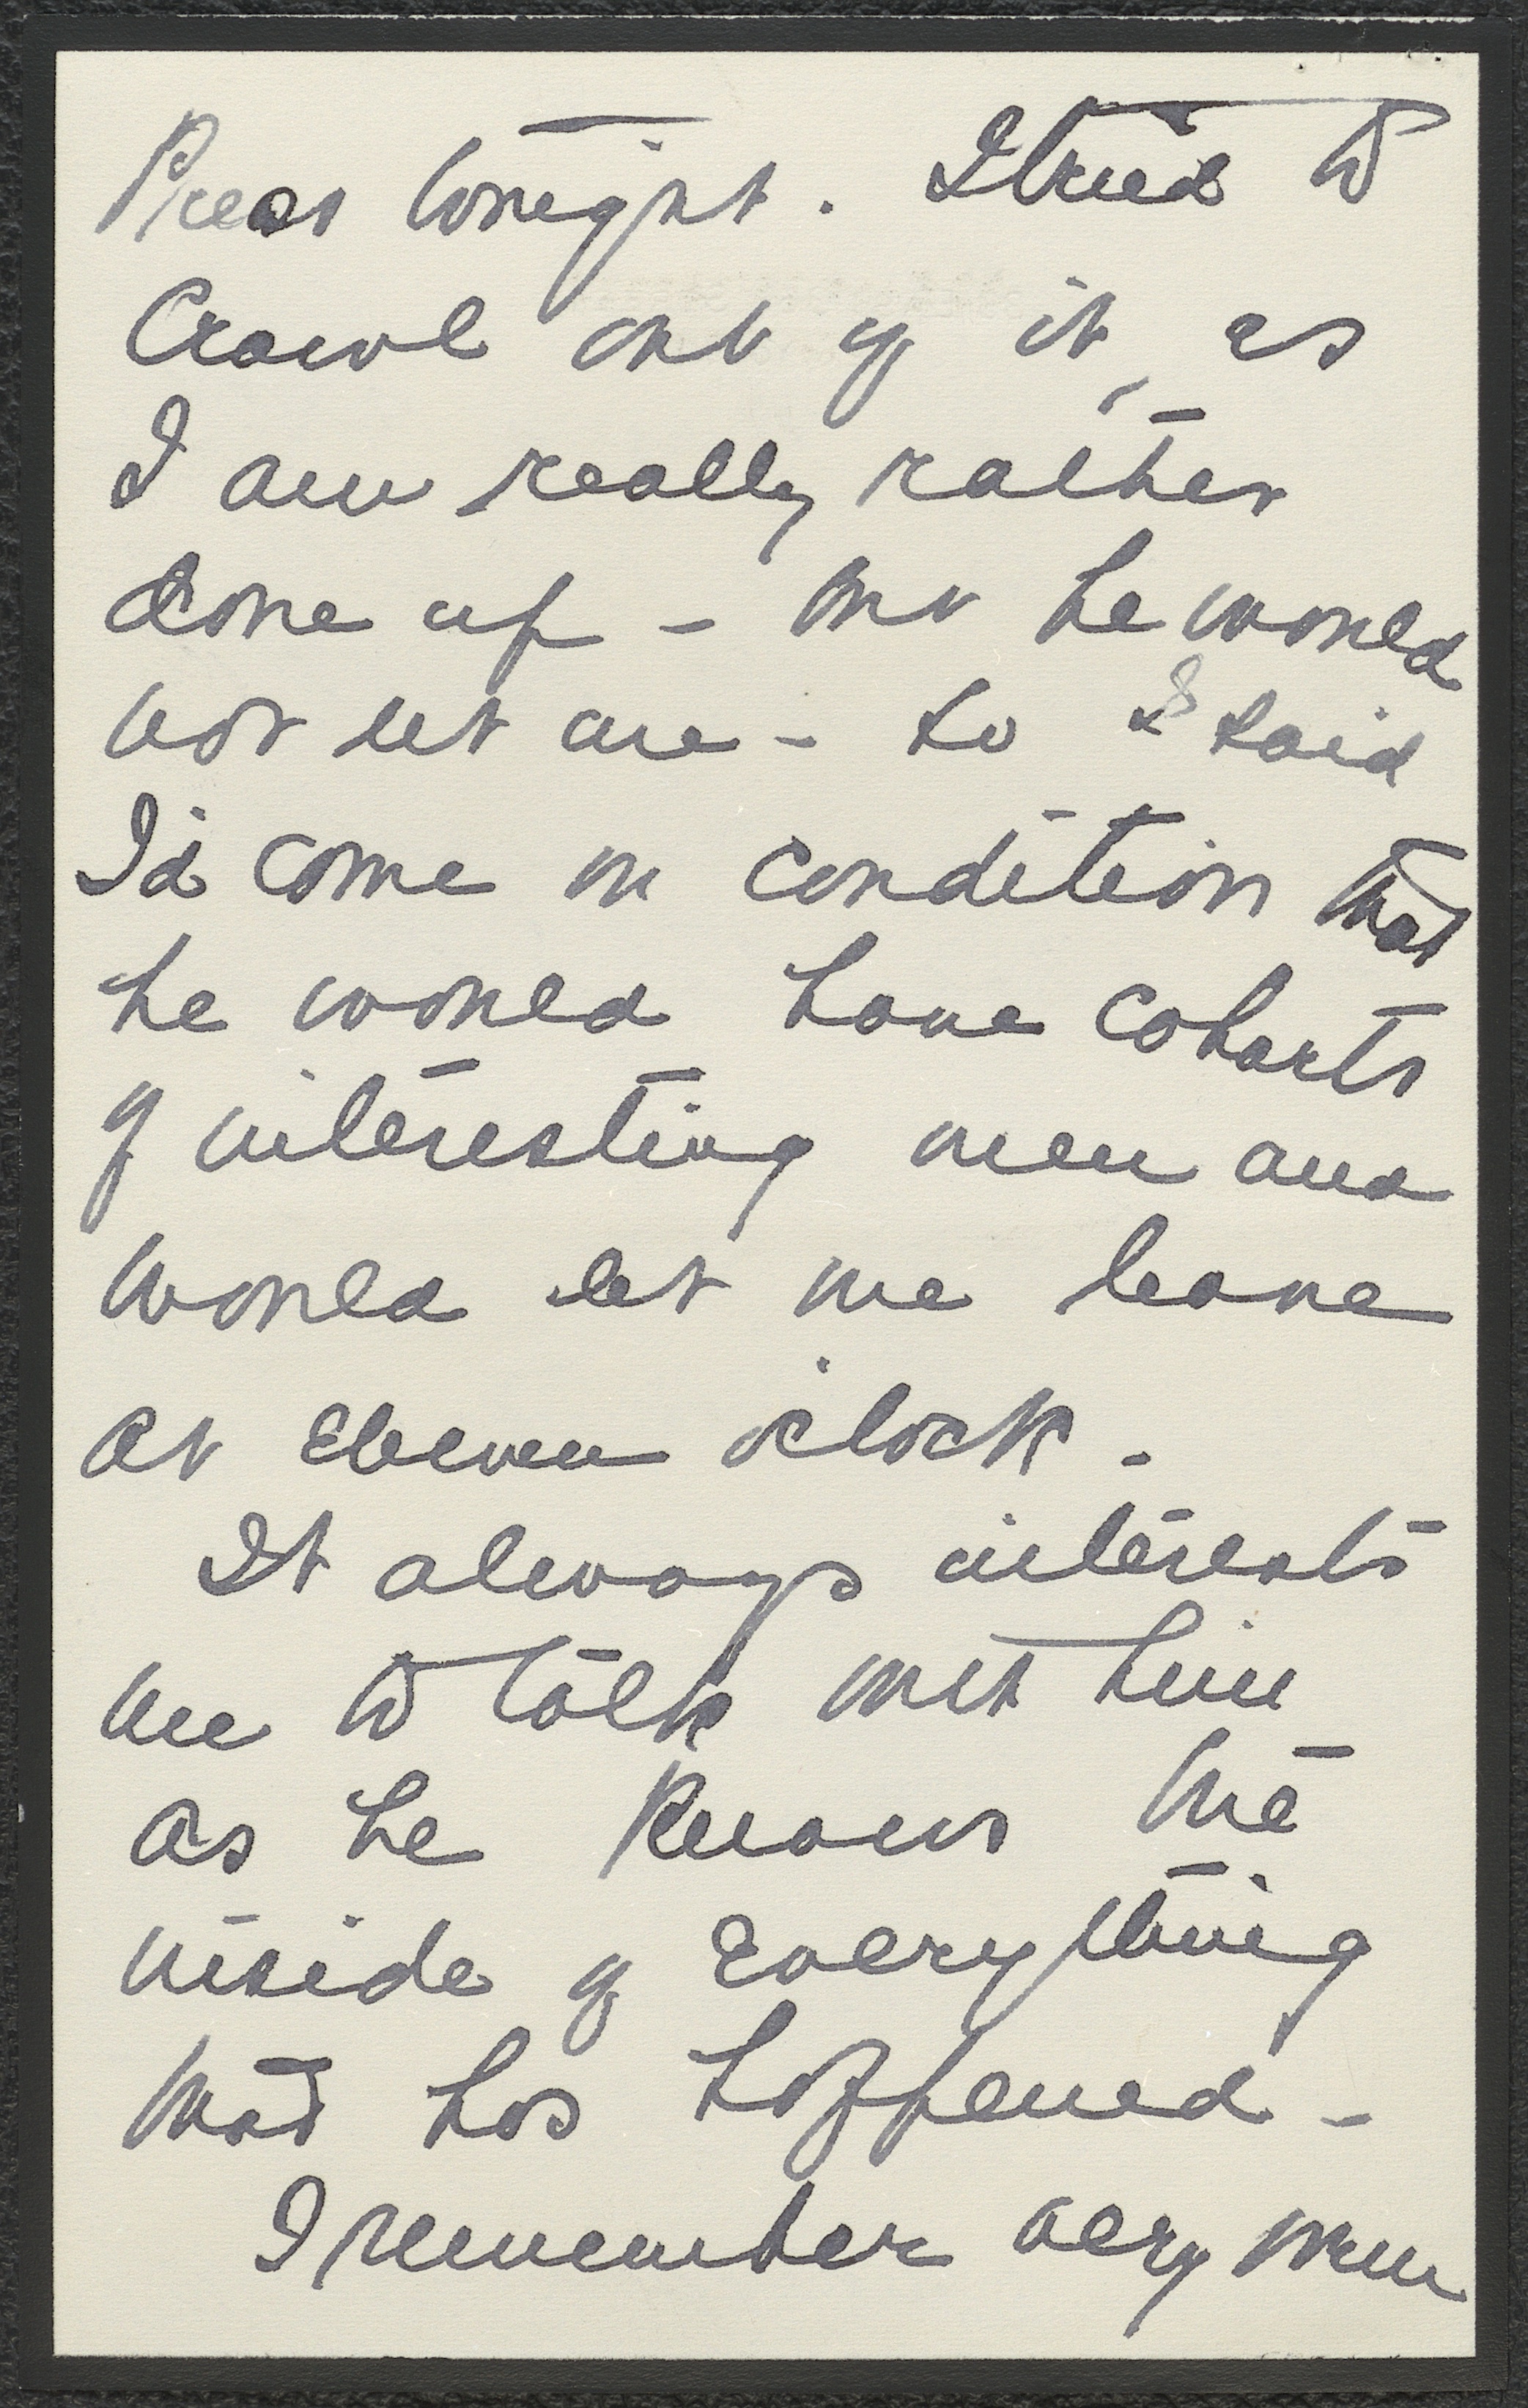Press tonight. I tried to crawl out of it, as I am really rather done up – but he would not let me – so I said I’d come on conditions that he would have cohorts of interesting men and would let me leave at eleven o’clock.
It always interests me to talk with him as he knows the inside of everything that has happened –
I remember very well